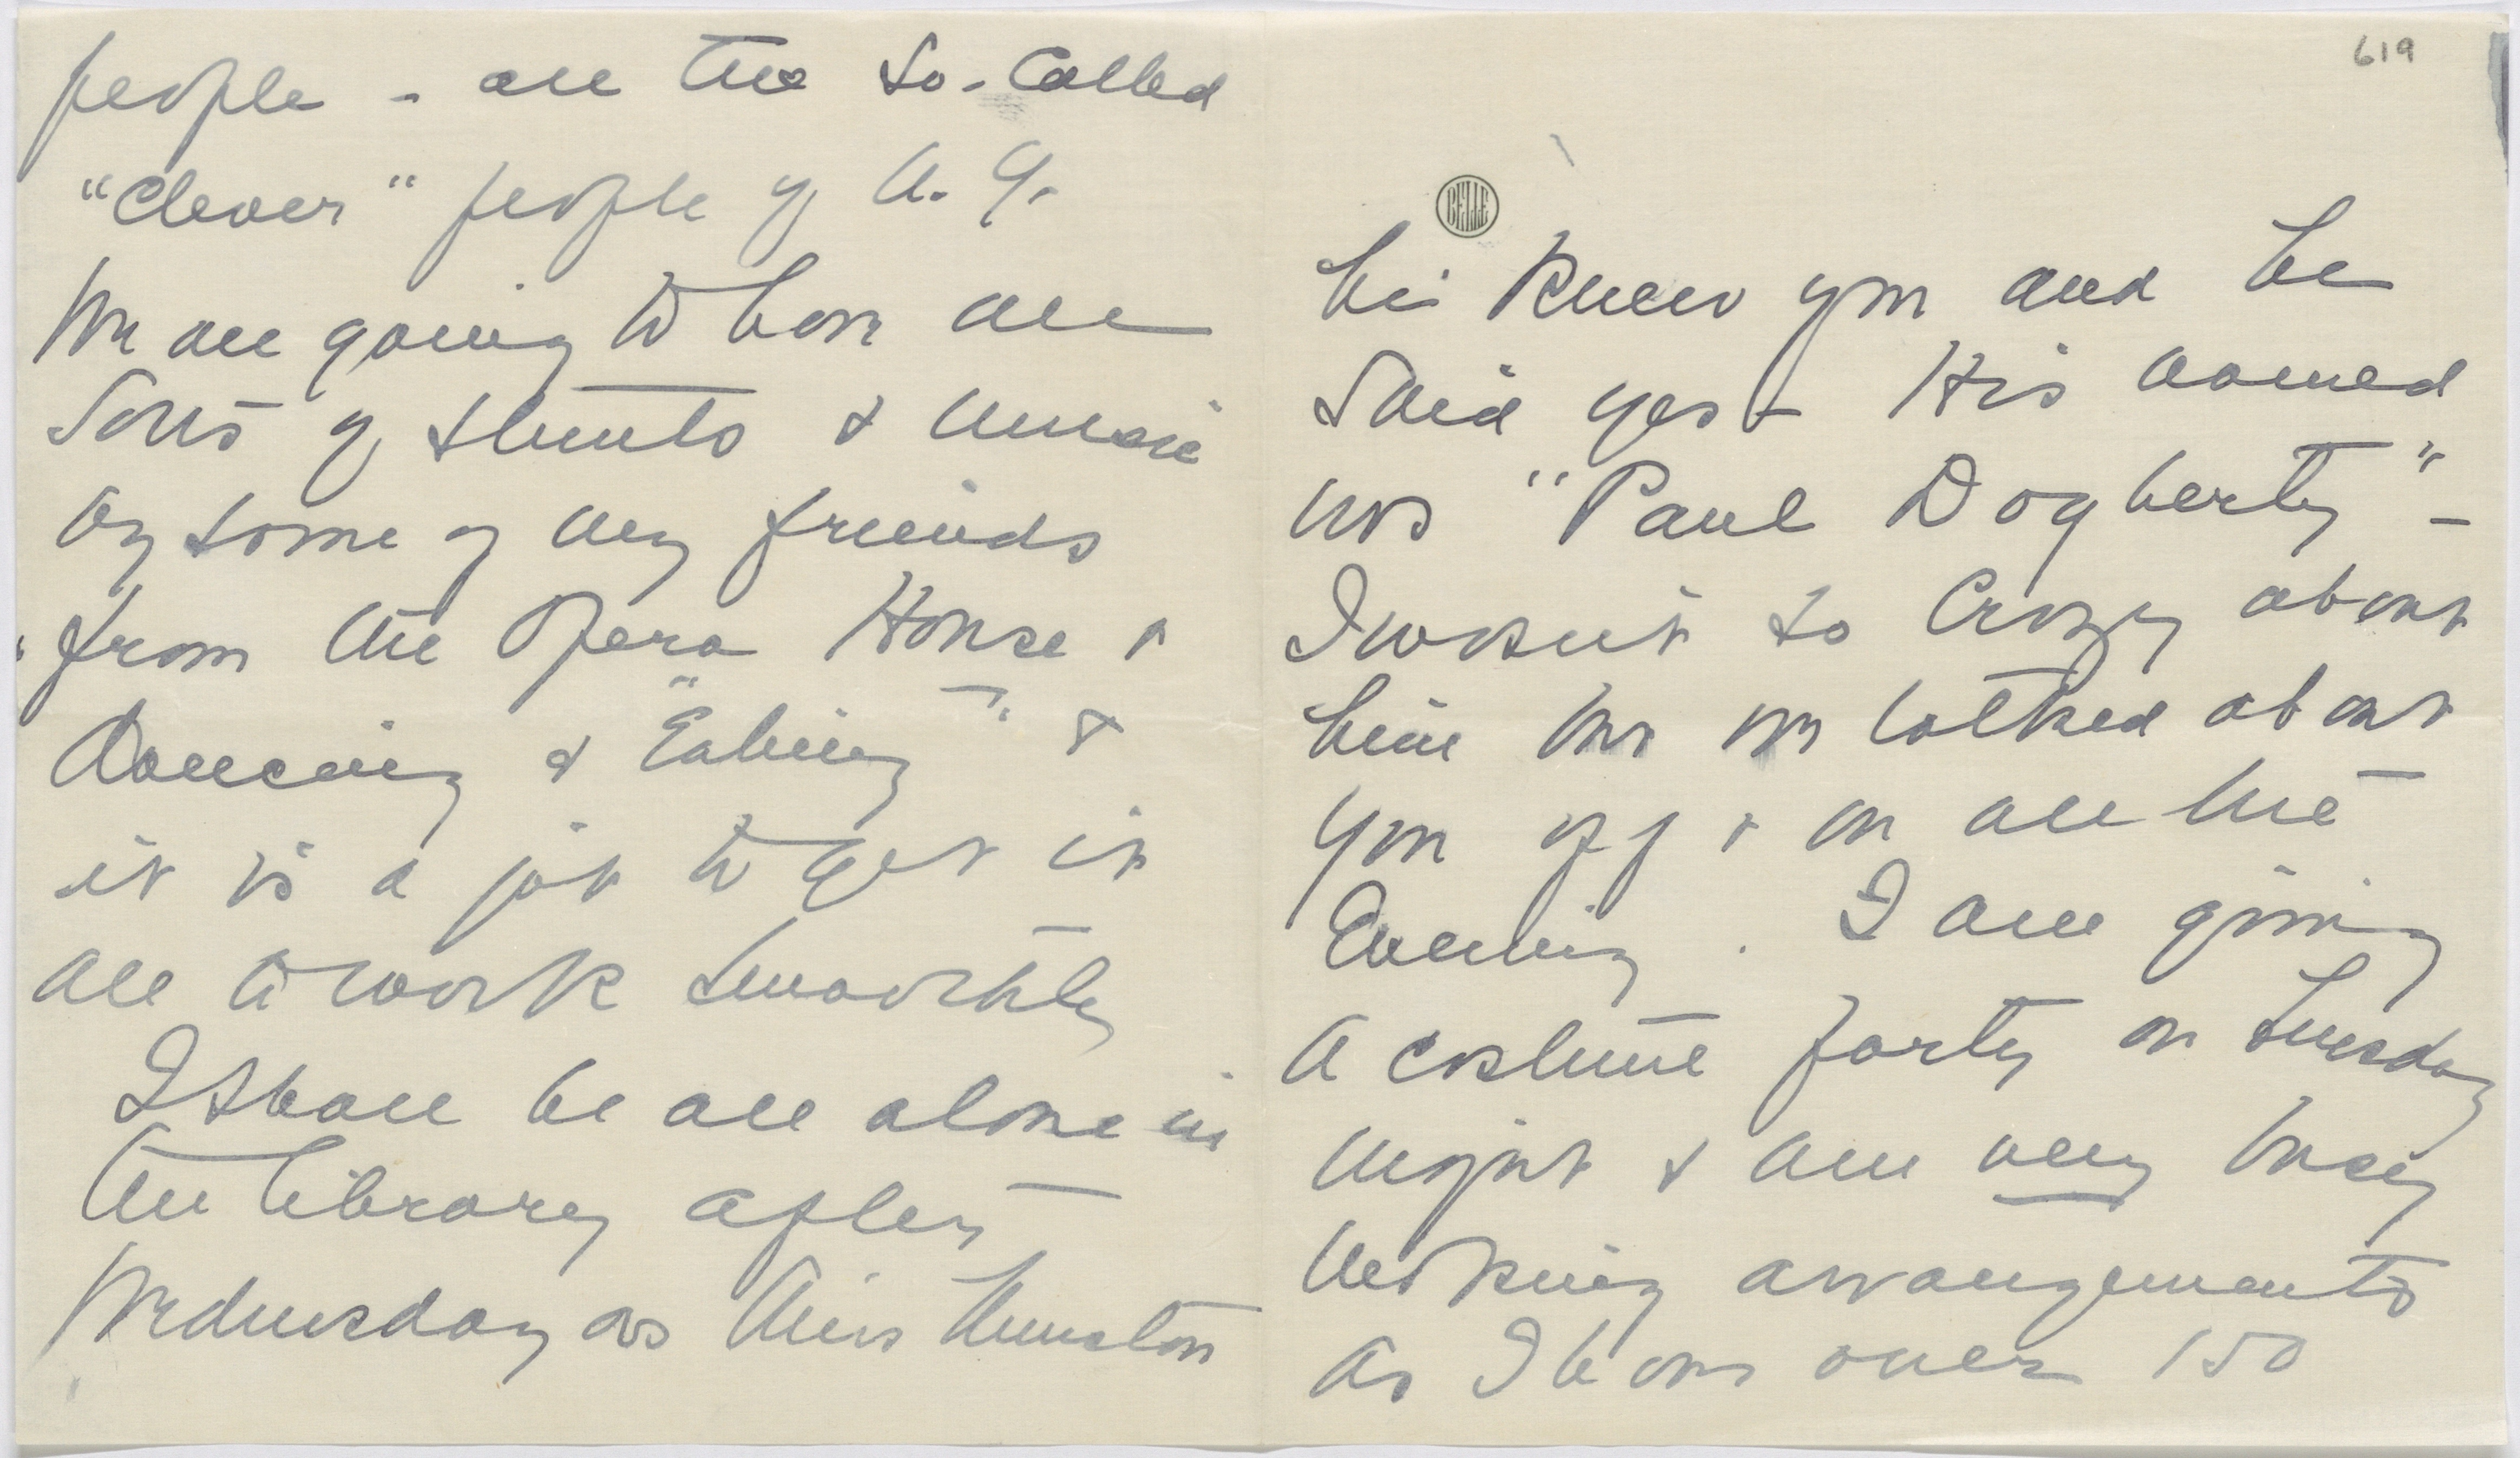he knew you and he said yes – His named [sic] was “Paul Dogherty [sic]” – I wasn’t so crazy about him but we talked about you off & on all the evening. I am giving a costume party on Tuesday night & am very busy making arrangements as I have over 150
people – all the so-called “clever” people of N.Y. We are going to have all sorts of stunts & music by some of my friends from the Opera House & dancing & “Eating” & it is a job to get it all to work smoothly
I shall be all alone in the library after Wednesday as Miss Thurston